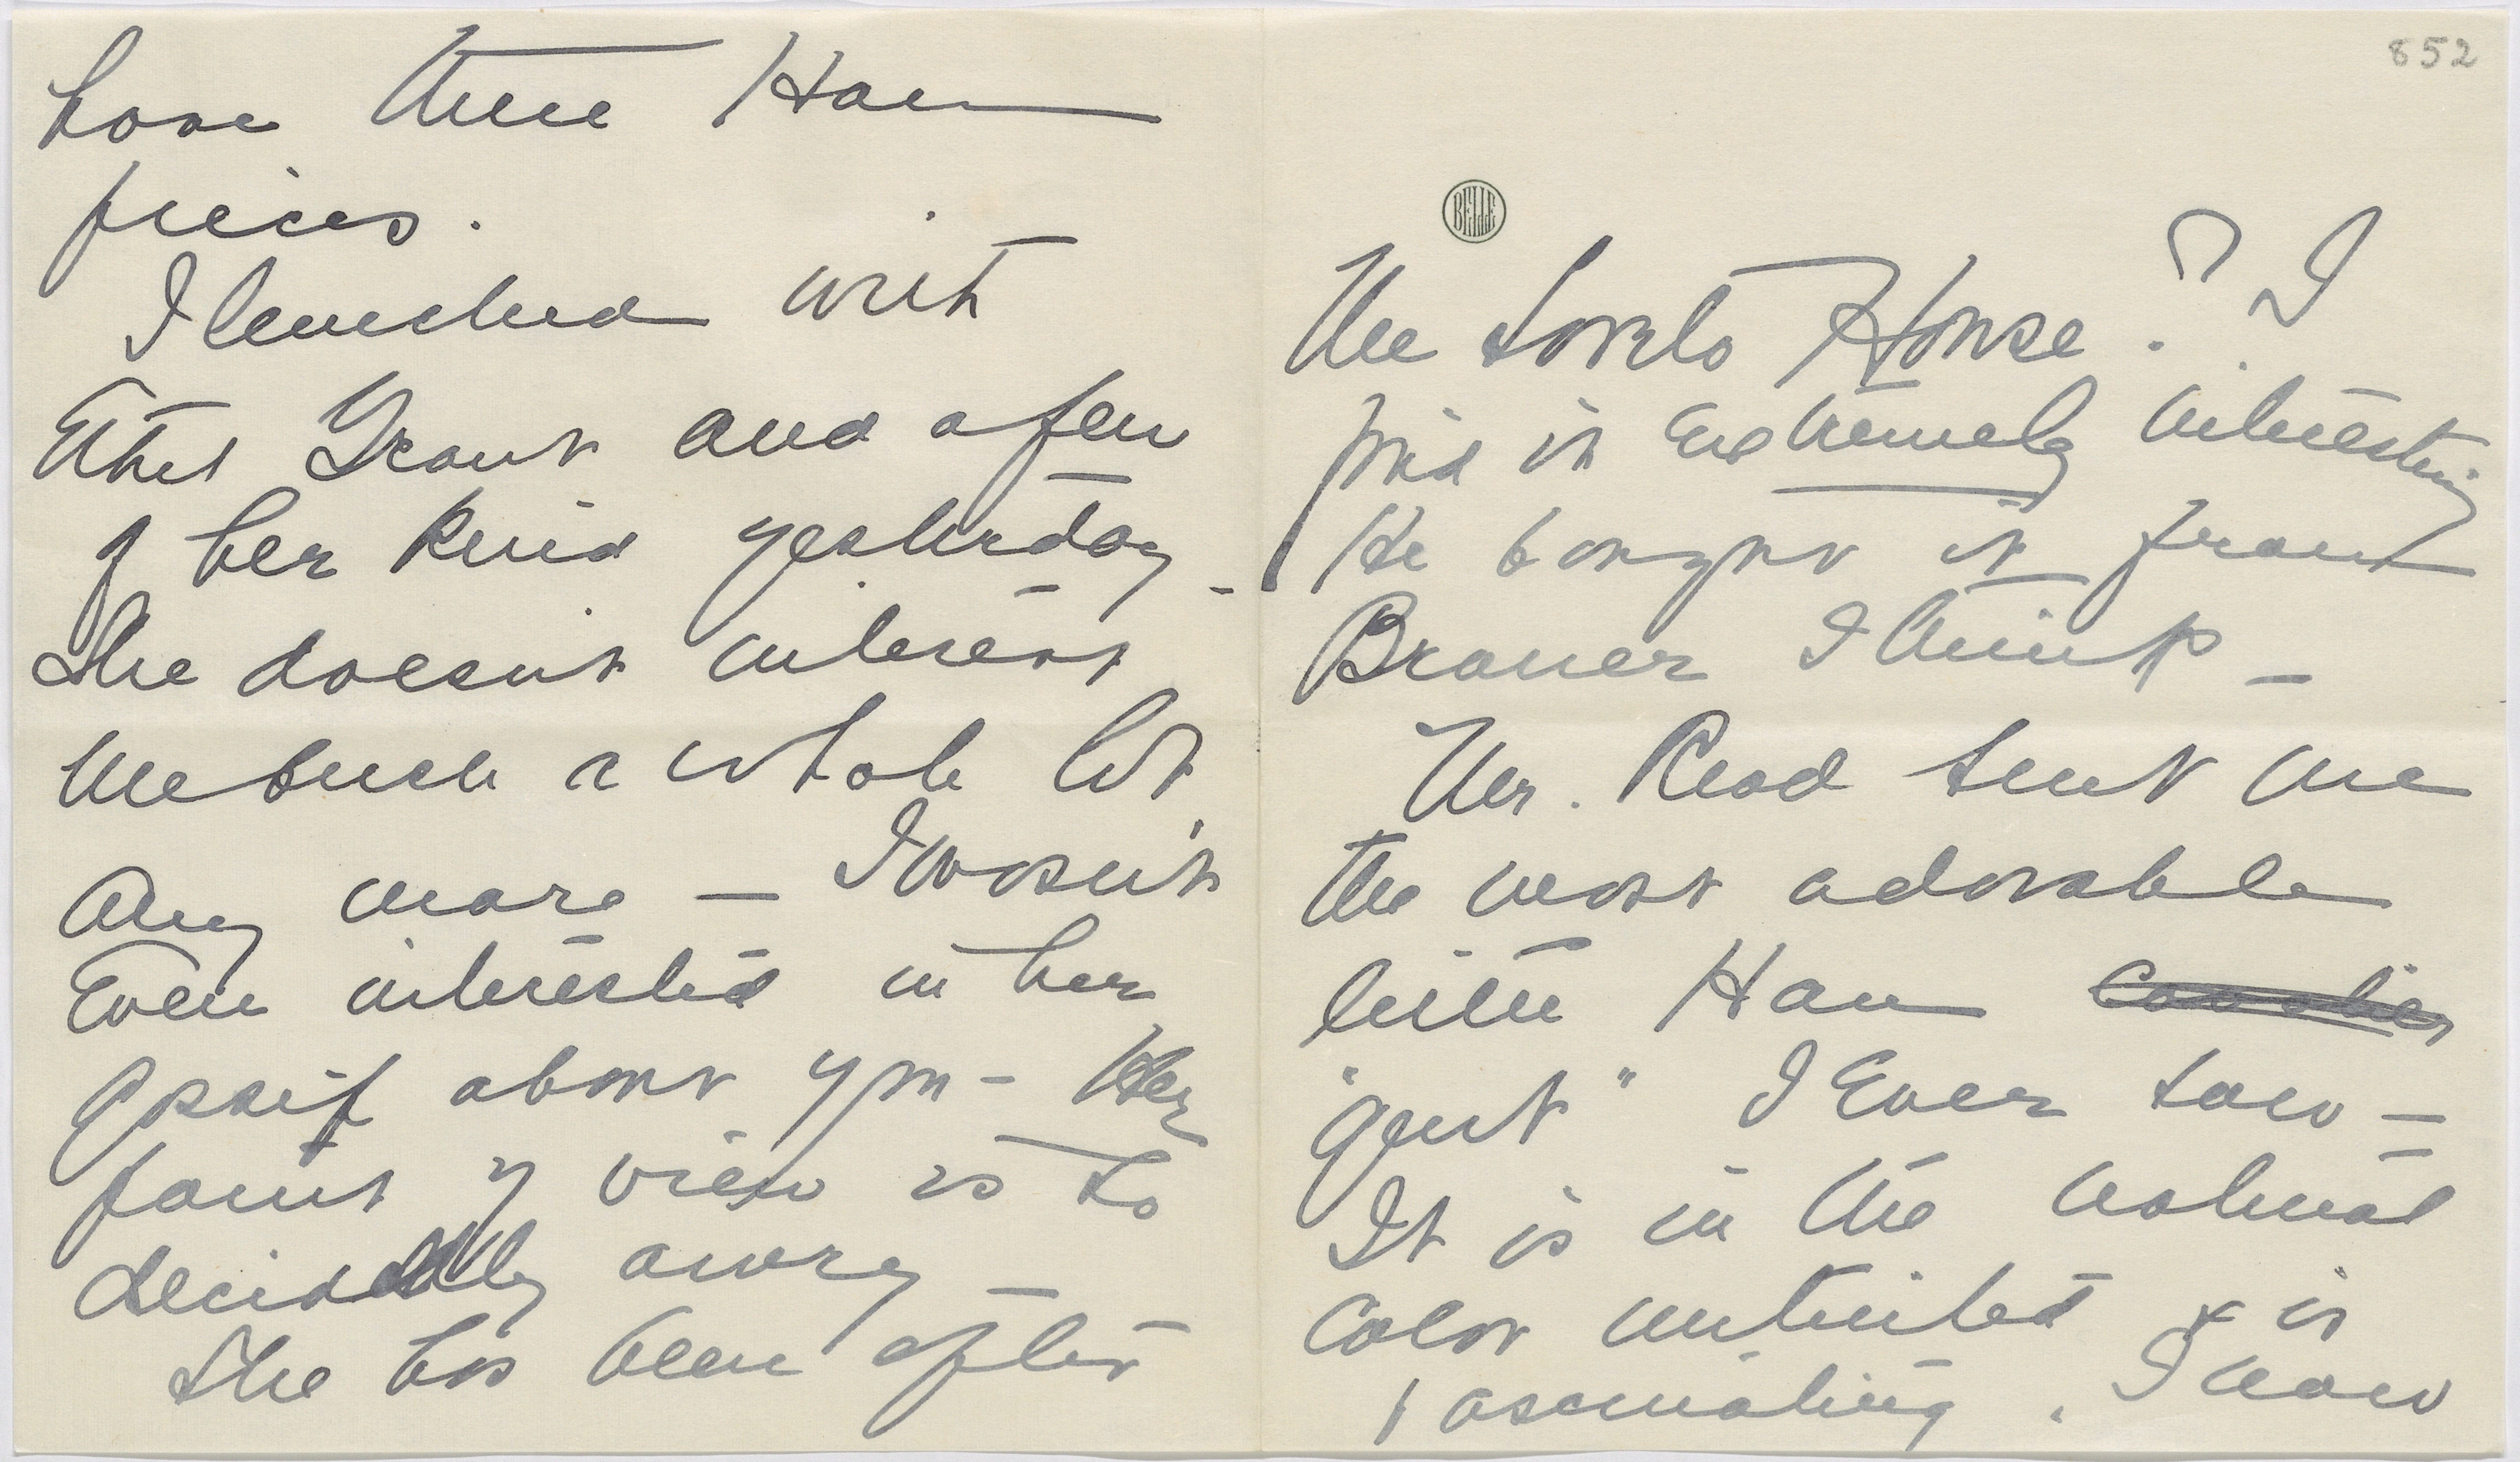The Loreto House? I find it extremely interesting He bought it from Brauer I think –
Mr. Read sent me the most adorable little Han cavalier “gent” I ever saw – It is in the natural color untinted & is fascinating. I now
have three Han pieces.
I lunched with Ethel Grant and a few of her kind yesterday – She doesn’t interest me such a whole lot any more – I wasn’t even interested in her gossip about you – Her point of view is so decidedly awry –
She has been after